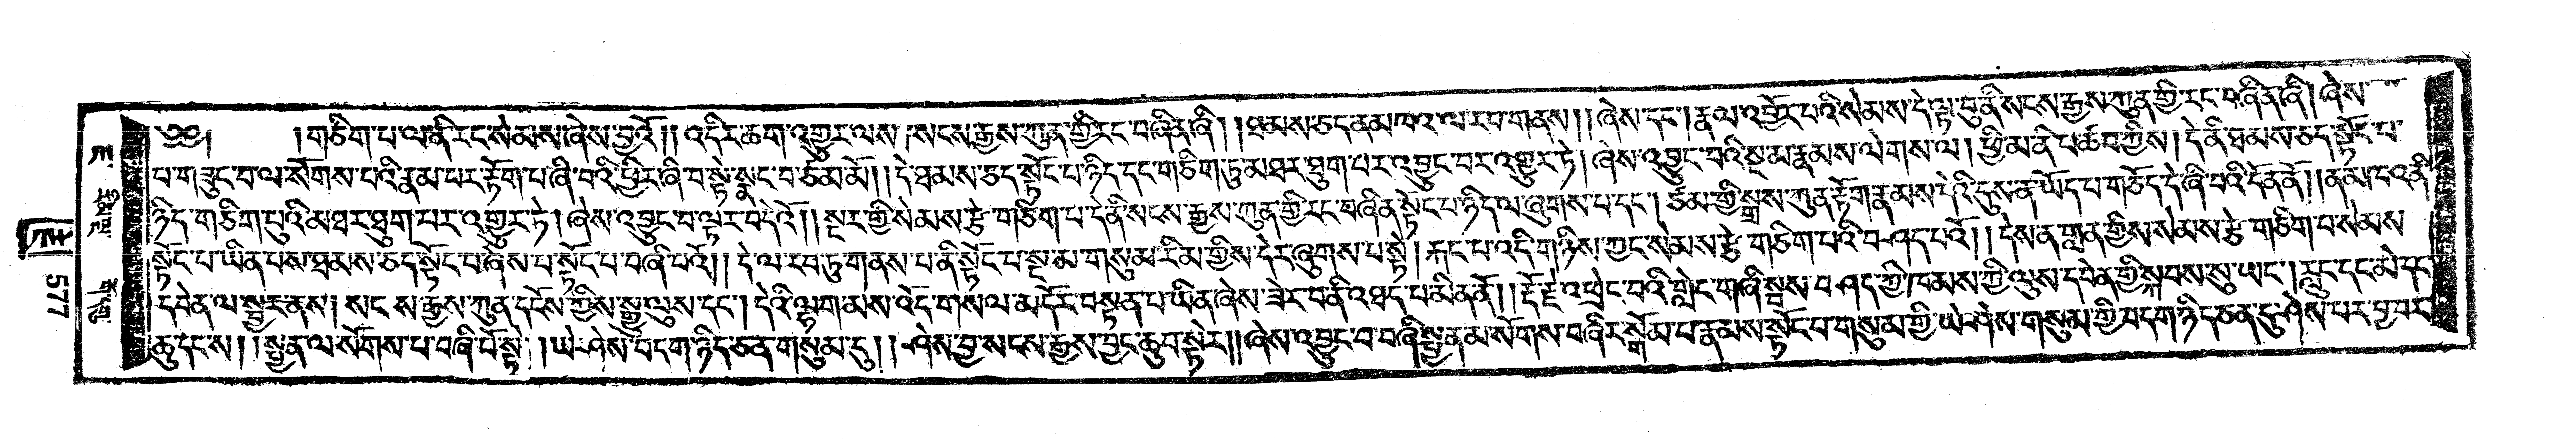༄༅། །གཅིག་པ་ལ་ནི་རང་སེམས་ཞེས་བྱའོ། །འདིར་ཆག་འགྱུར་ལས། སངས་རྒྱས་ཀུན་གྱི་རང་བཞིན་ཞི། །ཐམས་ཅད་ནམ་མཁའ་ལ་རབ་གནས། །ཞེས་དང་། རྣལ་འབྱོར་པའི་སེམས་ད་ལྟ་བུ་ནི་སངས་རྒྱས་ཀུན་གྱི་རང་བཞིན་ཞི། ཞེས་
པ་གཟུང་བ་ལ་སོགས་པའི་རྣམ་པར་རྟོག་པ་ཞི་བའི་ཕྱིར་ཞི་བ་སྟེ་སྣང་བ་ཙམ་མོ། །དེ་ཐམས་ཅད་སྟོང་པ་ཉིད་དང་གཅིག་ཏུ་མཐར་ཐུག་པར་འབྱུང་བར་འགྱུར་ཏེ། ཞེས་འབྱུང་བའི་སྔ་མ་རྣམས་ལེགས་ལ། ཕྱི་མ་ནི་པ་ཚབ་ཀྱིས། དེ་ནི་ཐམས་ཅད་སྟོང་པ་
ཉིད་གཅིག་པུའི་མཐར་ཐུག་པར་འགྱུར་ཏེ། ཞེས་འབྱུང་བ་ལྟར་བདེའོ། །སྔར་གྱི་སེམས་རྩེ་གཅིག་པ་དེ་ནི་སངས་རྒྱས་ཀུན་གྱི་རང་བཞིན་སྟོང་པ་ཉིད་ལ་ཞུགས་པ་དང་། ཙམ་གྱི་སྐྲས་ཀུན་རྟོག་རྣམས་དེའི་དུས་ན་ཡོད་པ་གཅོད་དེ་ཞི་བའི་དོན་ནོ། །ནམ་མཁའ་ནི་
སྟོང་པ་ཡིན་པས་ཐམས་ཅད་སྟོང་པ་ཞེས་པ་སྟོང་པ་བཞི་པའོ། །དེ་ལ་རབ་ཏུ་གནས་པ་ནི་སྟོང་པ་སྔ་མ་གསུམ་རིམ་གྱིས་དེར་ཞུགས་པ་སྟེ། རྐང་པ་འདི་གཉིས་ཀྱང་སེམས་རྩེ་གཅིག་པའི་བཤད་པའོ། །དེས་ན་གླན་གྱིས་སེམས་རྩེ་གཅིག་པ་སེམས་
དབེན་ལ་སྦྱར་ནས། སངས་རྒྱས་ཀུན་དངོས་ཀྱིས་སྒྱུ་ལུས་དང་། དེའི་ལྷག་མས་འོད་གསལ་མདོར་བསྟན་པ་ཡིན་ཞེས་ཟེར་བ་ནི་འཐད་པ་མིན་ནོ། །རྡོ་རྗེ་འཕྲེང་བའི་གླེང་གཞི་སྤས་བཤད་ཀྱི་ཁམས་ཀྱི་ལུས་དབེན་གྱི་སྐབས་སུ་ཡང་། རླུང་དང་མེ་དང་
ཆུ་དང་ས། །སྤྱན་ལ་སོགས་པ་བཞི་པོ་སྟེ། །ཡེ་ཤེས་བདག་ཉིད་ཅན་གསུམ་དུ། །ཤེས་བྱ་སངས་རྒྱས་བྱང་ཆུབ་སྟེར། །ཞེས་འབྱུང་བ་བཞི་སྤྱན་མ་སོགས་བཞིར་སྒོམ་པ་རྣམས་སྟོང་པ་གསུམ་གྱི་ཡེ་ཤེས་གསུམ་གྱི་བདག་ཉིད་ཅན་དུ་ཤེས་པར་བྱ་བར་